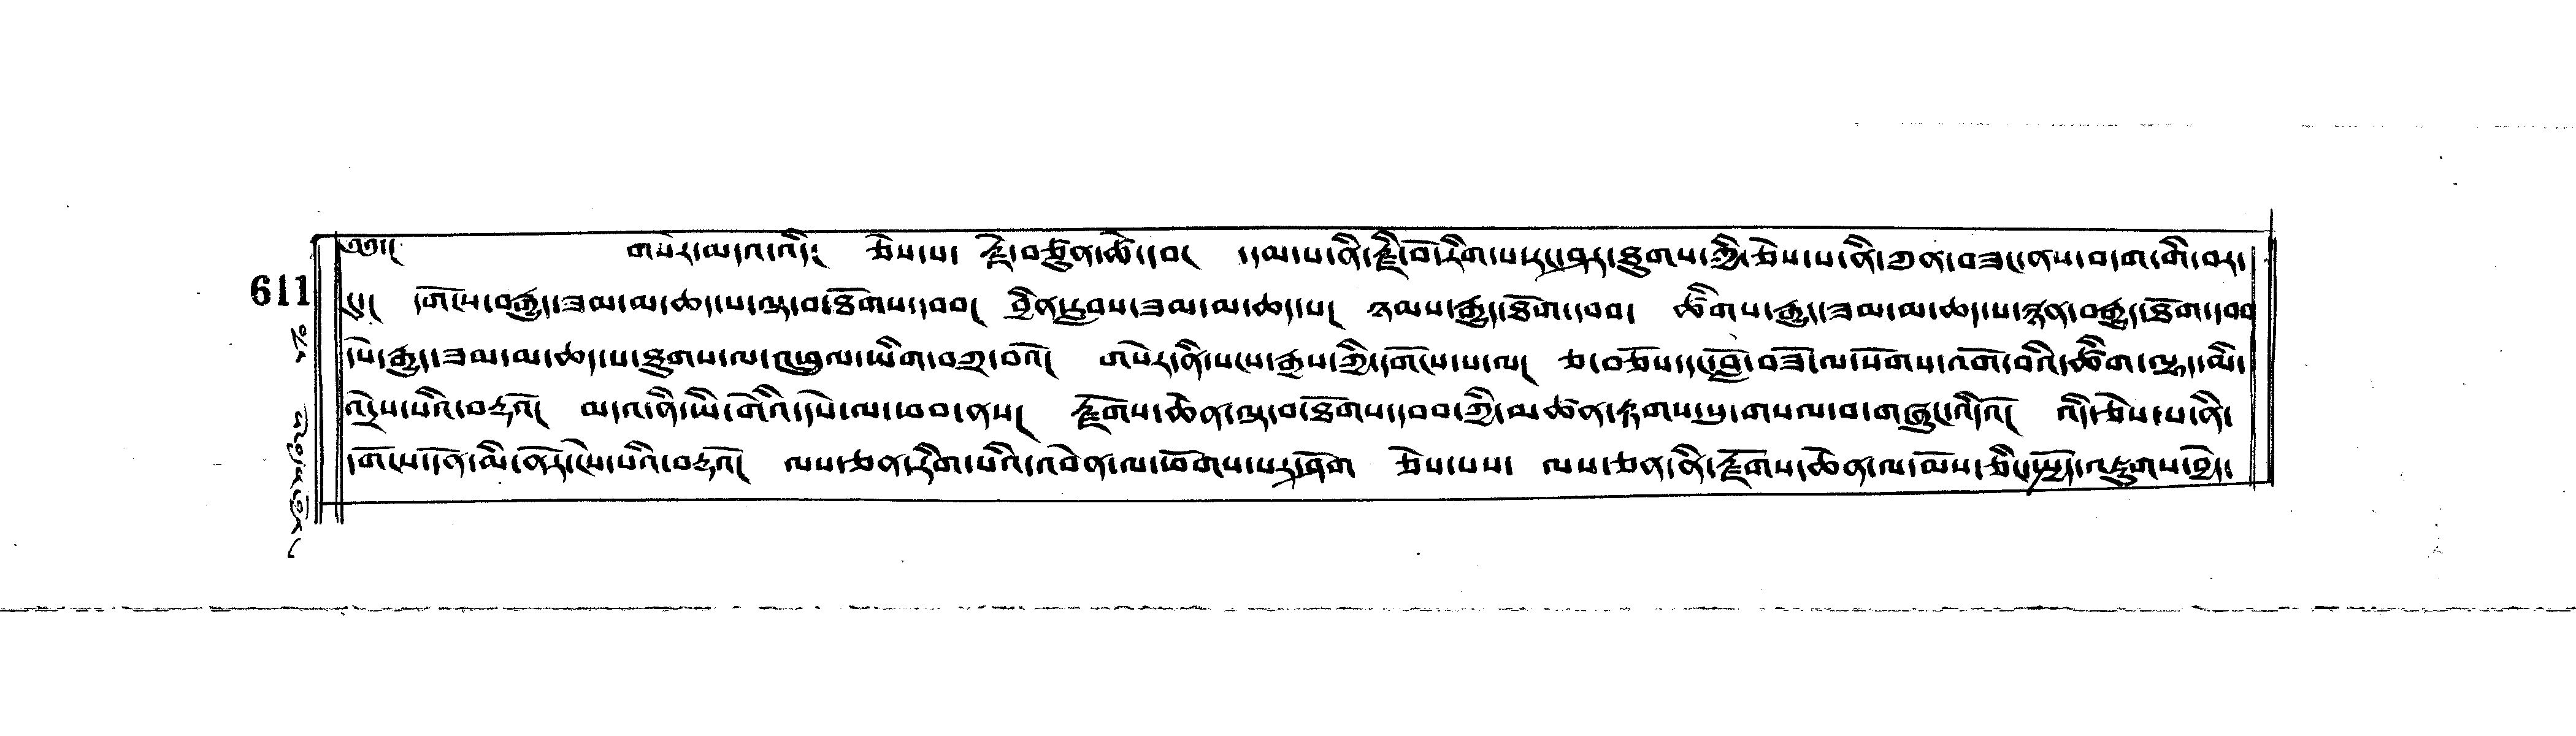གསེར་མདའ་འདི། ཅེས་པ། རྗེ་བཙུན་ཚེ་དབང་དམ་པ་ནི་རྫི་བོ་རིག་པ་རང་ཤར་ཐུགས་ཀྱི་ཅེས་པ་ནི། ཀུན་བཟང་ནས་བདག་གི་བར་
དུ། དགོངས་རྒྱུད་ཟམ་མ་ཆད་པ་ལྟ་བ་ཐོག་དབབ། བྱིན་རླབས་ཟམ་མ་ཆད་པ། ཉམས་རྒྱུད་ཐོག་དབབ། ཚིག་རྒྱུད་ཟམ་མ་ཆད་པ་སྙན་རྒྱུད་ཐོག་དབབ། 
དཔེ་རྒྱུད་ཟམ་མ་ཆད་པ་ཐུགས་ལ་འཕྲུལ་ཡིག་བཀྲ་བའོ། གསེར་ནི་སངས་རྒྱས་ཀྱི་དགོངས་པ་ལ། ཅ་བཅོས་དང་བློ་བཟོ་ལ་སོགས་འགོ་བའི་ཚིག་ལྷད་མི་
འདྲེས་པའི་བརྡའོ། མདའ་ནི་ཡི་གེའི་དཔེ་ལ་ཕབ་ནས། རྫོགས་ཆེན་ལྟ་བ་ཐོག་དབབ་ཀྱི་མཚན་རྟགས་སུ་གསལ་བ་གཞུང་འདིའོ། འདི་ཅེས་པ་ནི་
དགོངས་དོན་མི་ནོར་ངེས་པའི་བརྡའོ། ལས་ཅན་རིག་པའི་འབེན་ལ་ཕོག་པར་ཤོག ཅེས་པས། ལས་ཅན་ནི་རྫོགས་ཆེན་ལ་མོས་ཤིང་སྤྱོད་འཇུག་བྱེད་